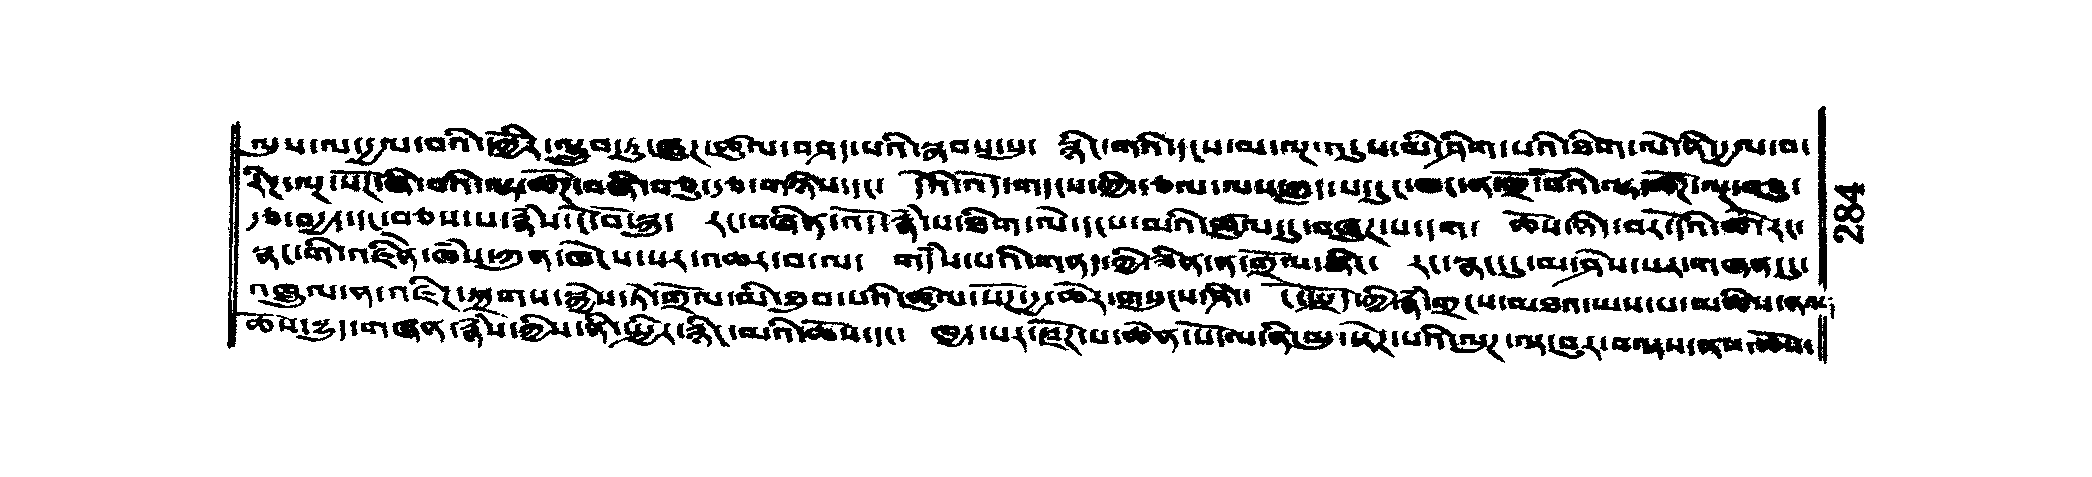ལུས་ལ་རྒྱལ་བའི་དཀྱིལ་འཁོར་ལྷུན་གྲུབ་ཏུ་ཞུགས་ཚུལ་བཤད་པའི་སྐབས་སུ། སྙིང་གའི་དྭངས་མ་ལྔ་འདུས་མི་ཤིག་པའི་ཐིག་ལེ་ནི་རྒྱལ་བ་
རིགས་ལྔ་སོགས་ཞི་བའི་ལྷ་ཚོགས་བཞི་བཅུ་རྩ་གཉིས་དང་། དེའི་འོད་གདངས་ཀྱི་རྩལ་ལས་ཀླད་པ་དུང་ཁང་ན་ཁྲོ་བའི་ལྷ་ཚོགས་ལྔ་བཅུ་
རྩ་བརྒྱད་དང་བཅས་པ་རྣམས་ངོ་བོ་སྐུ། རང་བཞིན་འོད་རྣམ་པ་ཐིག་ལེ་དྭངས་མའི་ཚུལ་དུ་བཞུགས་པ་དག ཆོས་ཉིད་བར་དོའི་ཚེ་རང་
སྣང་གི་འཇིག་རྟེན་ཁམས་ཀུན་ཁེངས་པར་འཆར་བ་ལ། གདམས་པའི་གནད་ཀྱིས་ཟིན་ན་གྲོལ་ཞིང་། རང་སྣང་དུ་མ་ཤེས་པར་གཞན་དུ་
འཁྲུལ་ན་འཇིགས་སྐྲག་སྐྱེས་ཏེ་གྲོལ་མི་ཐུབ་པའི་ཚུལ་སོགས་རྒྱ་ཆེར་གསུངས་ཤིང་། ངོ་སྤྲོད་ཀྱི་རྣམ་གྲངས་མཐའ་ཡས་པ་མཆིས་ནའང་
ཆོས་རྒྱུད་གཞན་རྣམས་ཀྱིས་ནི་སྤྱིར་རྙིང་མའི་ཆོས་དང་། ཁྱད་པར་རྫོགས་པ་ཆེན་པོ་ལ་ནི་མུ་སྟེགས་པའི་ལུགས་ལྟ་བུར་བལྟས་ནས་ཆོས་